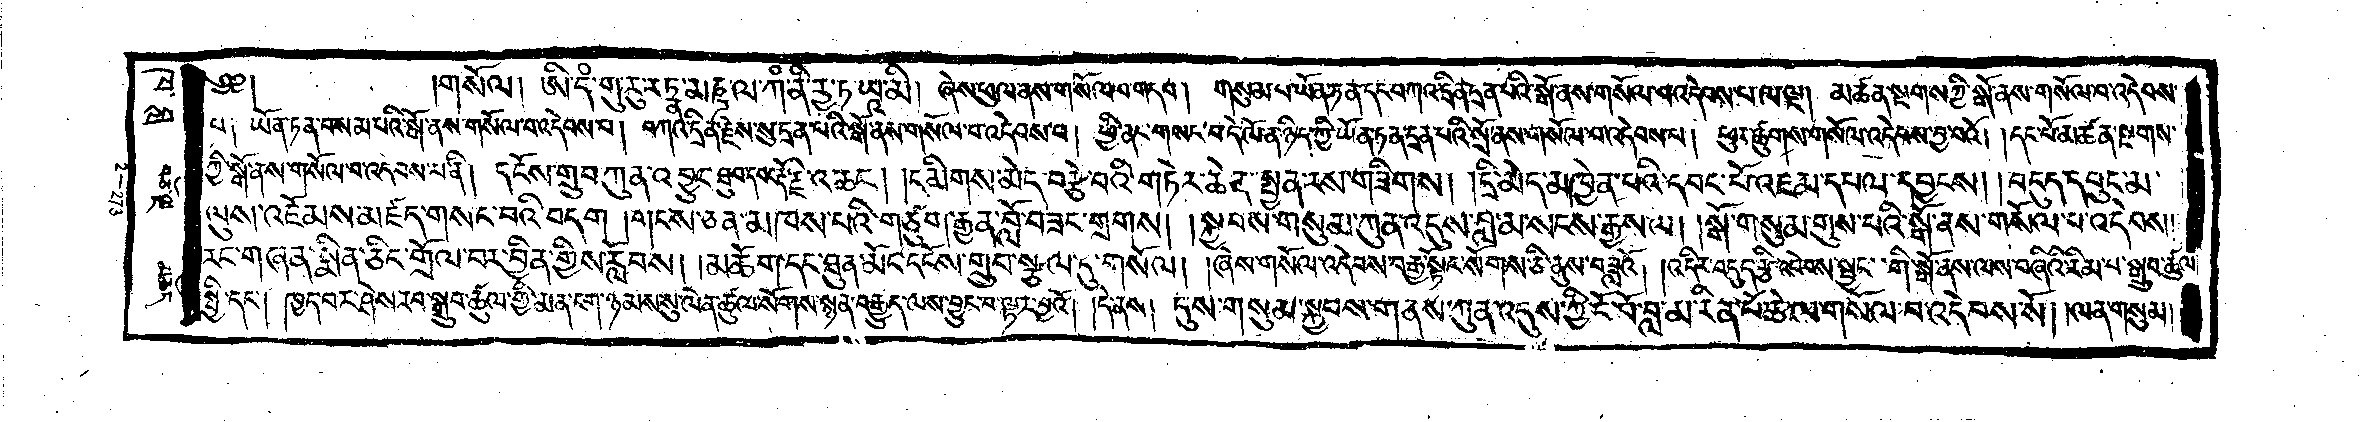༄༅། །གསོལ། ཨི་དཾ་གུ་རུ་རཏྣ་མཎྡལ་ཀཾ་ནི་རྱ་ཏ་ཡཱ་མི། ཞེས་ཕུལ་ནས་གསོལ་བ་གདབ། གསུམ་པ་ཡོན་ཏན་དང་བཀའ་དྲིན་དྲན་པའི་སྒོ་ནས་གསོལ་བ་འདེབས་པ་ལ་ལྔ། མཚན་སྔགས་ཀྱི་སྒོ་ནས་གསོལ་བ་འདེབས་
པ། ཡོན་ཏན་བསམ་པའི་སྒོ་ནས་གསོལ་བ་འདེབས་པ། བཀའ་དྲིན་རྗེས་སུ་དྲན་པའི་སྒོ་ནས་གསོལ་བ་འདེབས་པ། ཕྱི་ནང་གསང་བདེ་ལོན་ཉིད་ཀྱི་ཡོན་ཏན་དྲན་པའི་སྲོ་ནས་གསོལ་བ་འདེབས་པ། ཕུན་ཚུགས་གསོལ་འདེབས་བྱ་བའོ། །དང་པོ་མཚན་སྔགས་
ཀྱི་སྒོ་ནས་གསོལ་བ་འདེབས་པ་ནི། དངོས་གྲུབ་ཀུན་འབྱུང་ཐུབ་དབང་རྡོ་རྗེ་འཆང་། །དམིགས་མེད་བརྩེ་བའི་གཏེར་ཆེན་སྤྱན་རས་གཟིགས། །དྲི་མེད་མཁྱེན་པའི་དབང་པོ་འཇམ་དཔལ་དབྱངས། །བདུད་དབུང་མ་
ལུས་འཇོམས་མཛད་གསང་བའི་བདག །གངས་ཅན་མཁས་པའི་གཙུག་རྒྱན་བློ་བཟང་གྲགས། །སྐྱབས་གསུམ་ཀུན་འདུས་བླ་མ་སངས་རྒྱས་ལ། །སྒོ་གསུམ་གུས་པའི་སྒོ་ནས་གསོལ་པ་འདེབས།
རང་གཞན་སྨིན་ཅིང་གྲོལ་བར་བྱིན་གྱིས་རློབས། །མཆོག་དང་ཐུན་མོང་དངོས་གྲུབ་སྩལ་དུ་གསོལ། །ཞེས་གསོལ་འདེབས་བརྒྱ་སྟོང་སོགས་ཅི་ནུས་བཟླའོ། །འདིར་བདུད་རྩི་འབེབས་སྦྱང་གི་སྒོ་ནས་ལས་བཞིའི་རིམ་པ་སྒྲུབ་ཚུལ་
སྤྱི་དང་། ཁྱད་པར་ཤེས་རབ་སྒྲུབ་ཚུལ་གྱི་མན་ངག་ཉམས་སུ་ལེན་ཚུལ་སོགས་སྙན་བརྒྱུད་ལས་བྱུང་བ་ལྟར་བྱའོ། །དེ་ནས། དུས་གསུམ་སྐྱབས་གནས་ཀུན་འདུས་ཀྱི་ངོ་བོ་བླ་མ་རིན་པོ་ཆེ་ལ་གསོལ་བ་འདེབས་སོ། །ལན་གསུམ།